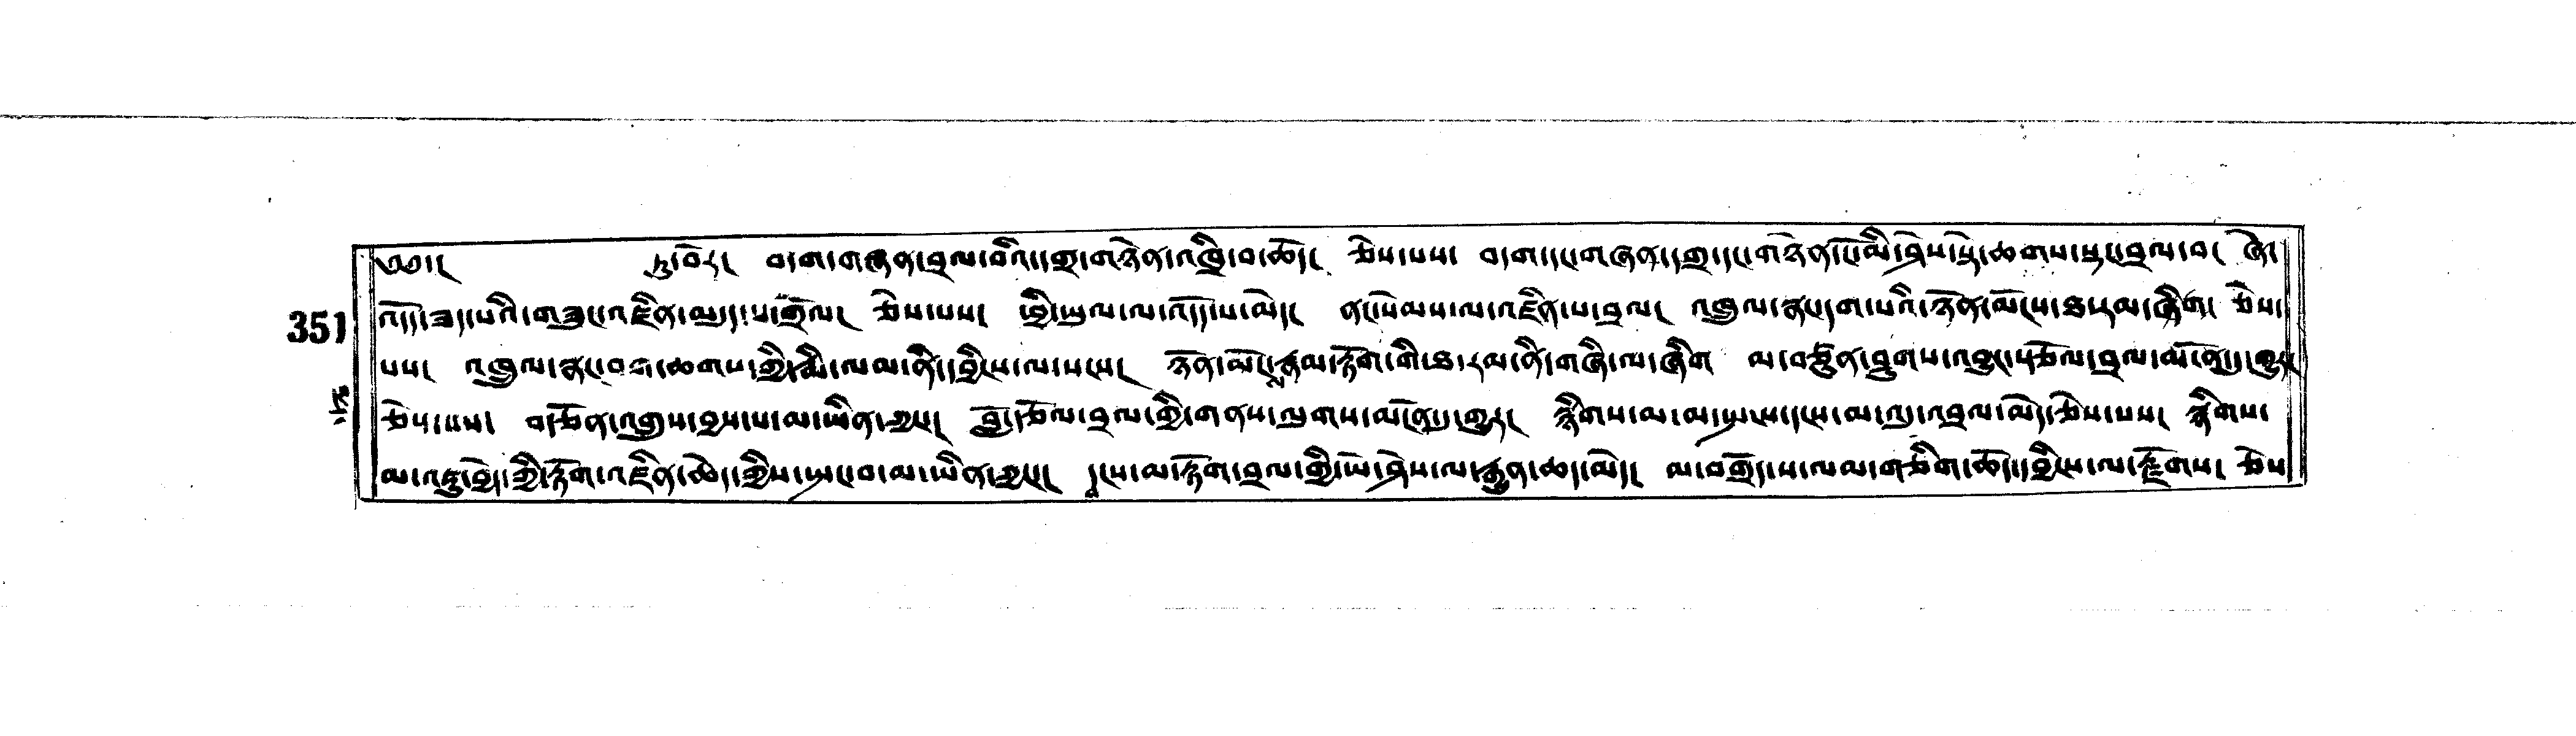ཏུ་བོར། བདག་གཞན་བྲལ་བའི་དགྲ་གཉེན་འཁྲི་བ་ཆོད། ཅེས་པས། བདག་དང་གཞན་དགྲ་དང་གཉེན་ངོ་མི་ཤེས་ཏེ་ཆགས་སྡང་བྲལ་བ། ཞེ་
འདོད་ཟད་པའི་གཟུང་འཛིན་མདུད་པ་གྲོལ། ཅེས་པས་ཕྱི་ཡུལ་ལ་འདོད་པ་མེད། ནང་སེམས་ལ་འཛིན་པ་བྲལ། འཁྲུལ་སྣང་དག་པའི་ཉོན་མོངས་ཐ་རམ་ཞིག ཅེས་
པས་འཁྲུལ་སྣང་བག་ཆགས་ཀྱི་རྨི་ལམ་ནི་དབྱིངས་ལ་སངས། ཉོན་མོངས་རྣམ་རྟོག་གི་ཐ་རམ་ནི་གཞི་ལ་ཞིག མ་བཙུན་ཤུགས་འབྱུང་རྩོལ་བྲལ་མངོན་དུ་གྱུར། 
ཅེས་པས། བརྩོན་འགྲུས་བྱས་པ་མ་ཡིན་ཀྱང་། བློ་རྩོལ་བྲལ་གྱི་གནས་ལུགས་མངོན་དུ་གྱུར། སྙིགས་མ་མ་སྤང་དྭངས་མ་འདུ་འབྲལ་མེད། ཅེས་པས། སྙིགས་
མ་འཇུ་བྱེད་ཀྱི་རྟོག་འཛིན་ཆེད་ཀྱིས་སྤང་བ་མ་ཡིན་ཀྱང་། དྭངས་མ་རྟོག་བྲལ་གྱི་ཡེ་ཤེས་ལ་རྒྱུན་ཆད་མེད། མ་བགྲོད་ས་ལམ་གཅིག་ཆོད་དབྱིངས་ལ་རྫོགས། ཅེས་